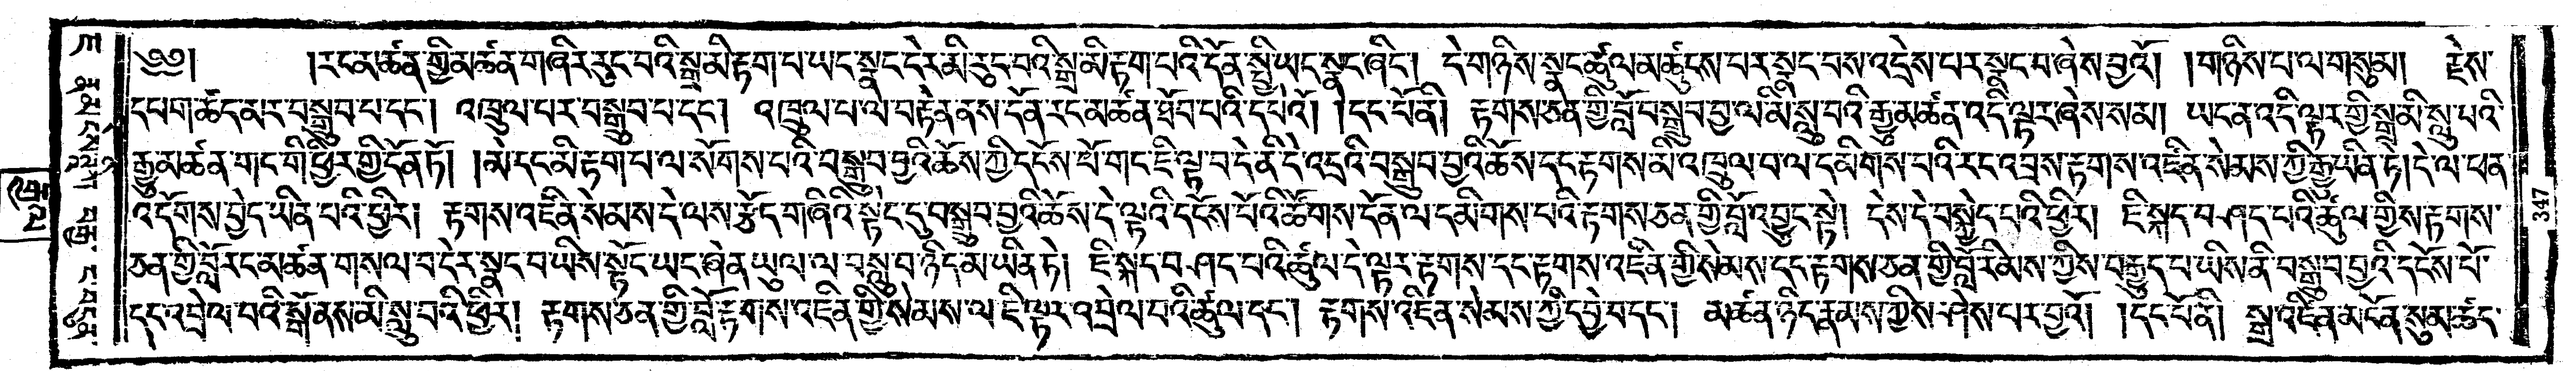༄༅། །རང་མཚན་གྱི་མཚན་གཞིར་རུང་བའི་སྒྲ་མི་རྟག་པ་ཡང་སྣང་དེར་མི་རུང་བའི་སྒྲ་མི་རྟག་པའི་དོན་སྤྱི་ཡང་སྣང་ཞིང་། དེ་གཉིས་སྣང་ཚུལ་མཚུངས་པར་སྣང་བས་འདྲེས་པར་སྣང་བ་ཞེས་བྱའོ། །གཉིས་པ་ལ་གསུམ། རྗེས་
དཔག་ཚད་མར་བསྒྲུབ་པ་དང་། འཁྲུལ་པར་བསྒྲུབ་པ་དང་། འཁྲུལ་པ་ལ་བརྟེན་ནས་དོན་རང་མཚན་ཐོབ་པའི་དཔེའོ། །དང་པོ་ནི། རྟགས་ཅན་གྱི་བློ་བསྒྲུབ་བྱ་ལ་མི་སླུ་བའི་རྒྱུ་མཚན་འདི་ལྟར་ཞེས་སམ། ཡང་ན་འདི་ལྟར་གྱི་སྒྲ་མི་སླུ་བའི་
རྒྱུ་མཚན་གང་གི་ཕྱིར་གྱི་དོན་ཏོ། །མེ་དང་མི་རྟག་པ་ལ་སོགས་པའི་བསྒྲུབ་བྱའི་ཆོས་ཀྱི་དངོས་པོ་གང་ཇི་ལྟ་བ་དེ་ནི་དེ་འདྲའི་བསྒྲུབ་བྱའི་ཆོས་དང་རྟགས་མི་འཁྲུལ་བ་ལ་དམིགས་པའི་རང་འབྲས་རྟགས་འཛིན་སེམས་ཀྱི་རྒྱུ་ཡིན་ཏེ། དེ་ལ་ཕན་
འདོགས་བྱེད་ཡིན་པའི་ཕྱིར། རྟགས་འཛིན་སེམས་དེ་ལས་རྩོད་གཞིའི་སྟེང་དུ་བསྒྲུབ་བྱའི་ཆོས་དེ་ལྟའི་དངོས་པོའི་ཚོགས་དོན་ལ་དམིགས་པའི་རྟགས་ཅན་གྱི་བློ་འབྱུང་སྟེ། དེས་དེ་བསྐྱེད་པའི་ཕྱིར། ཇི་སྐད་བཤད་པའི་ཚུལ་གྱིས་རྟགས་
ཅན་གྱི་བློ་རང་མཚན་གསལ་བ་དེར་སྣང་བ་ཡིས་སྟོང་ཡང་ཞེན་ཡུལ་ལ་བསླུ་བ་ཉིད་མ་ཡིན་ཏེ། ཇི་སྐད་བཤད་པའི་ཚུལ་དེ་ལྟར་རྟགས་དང་རྟགས་འཛིན་གྱི་སེམས་དང་རྟགས་ཅན་གྱི་བློ་རིམས་ཀྱིས་བརྒྱུད་པ་ཡིས་ནི་བསྒྲུབ་བྱའི་དངོས་པོ་
དང་འབྲེལ་བའི་སྒོ་ནས་མི་སླུ་བའི་ཕྱིར། རྟགས་ཅན་གྱི་བློ་རྟགས་འཛིན་གྱི་སེམས་ལ་ཇི་ལྟར་འབྲེལ་བའི་ཚུལ་དང་། རྟགས་འཛིན་སེམས་ཀྱི་དབྱེ་བ་དང་། མཚན་ཉིད་རྣམས་ཀྱིས་ཤེས་པར་བྱའོ། །དང་པོ་ནི། སྒྲ་འཛིན་མངོན་སུམ་ཚད་